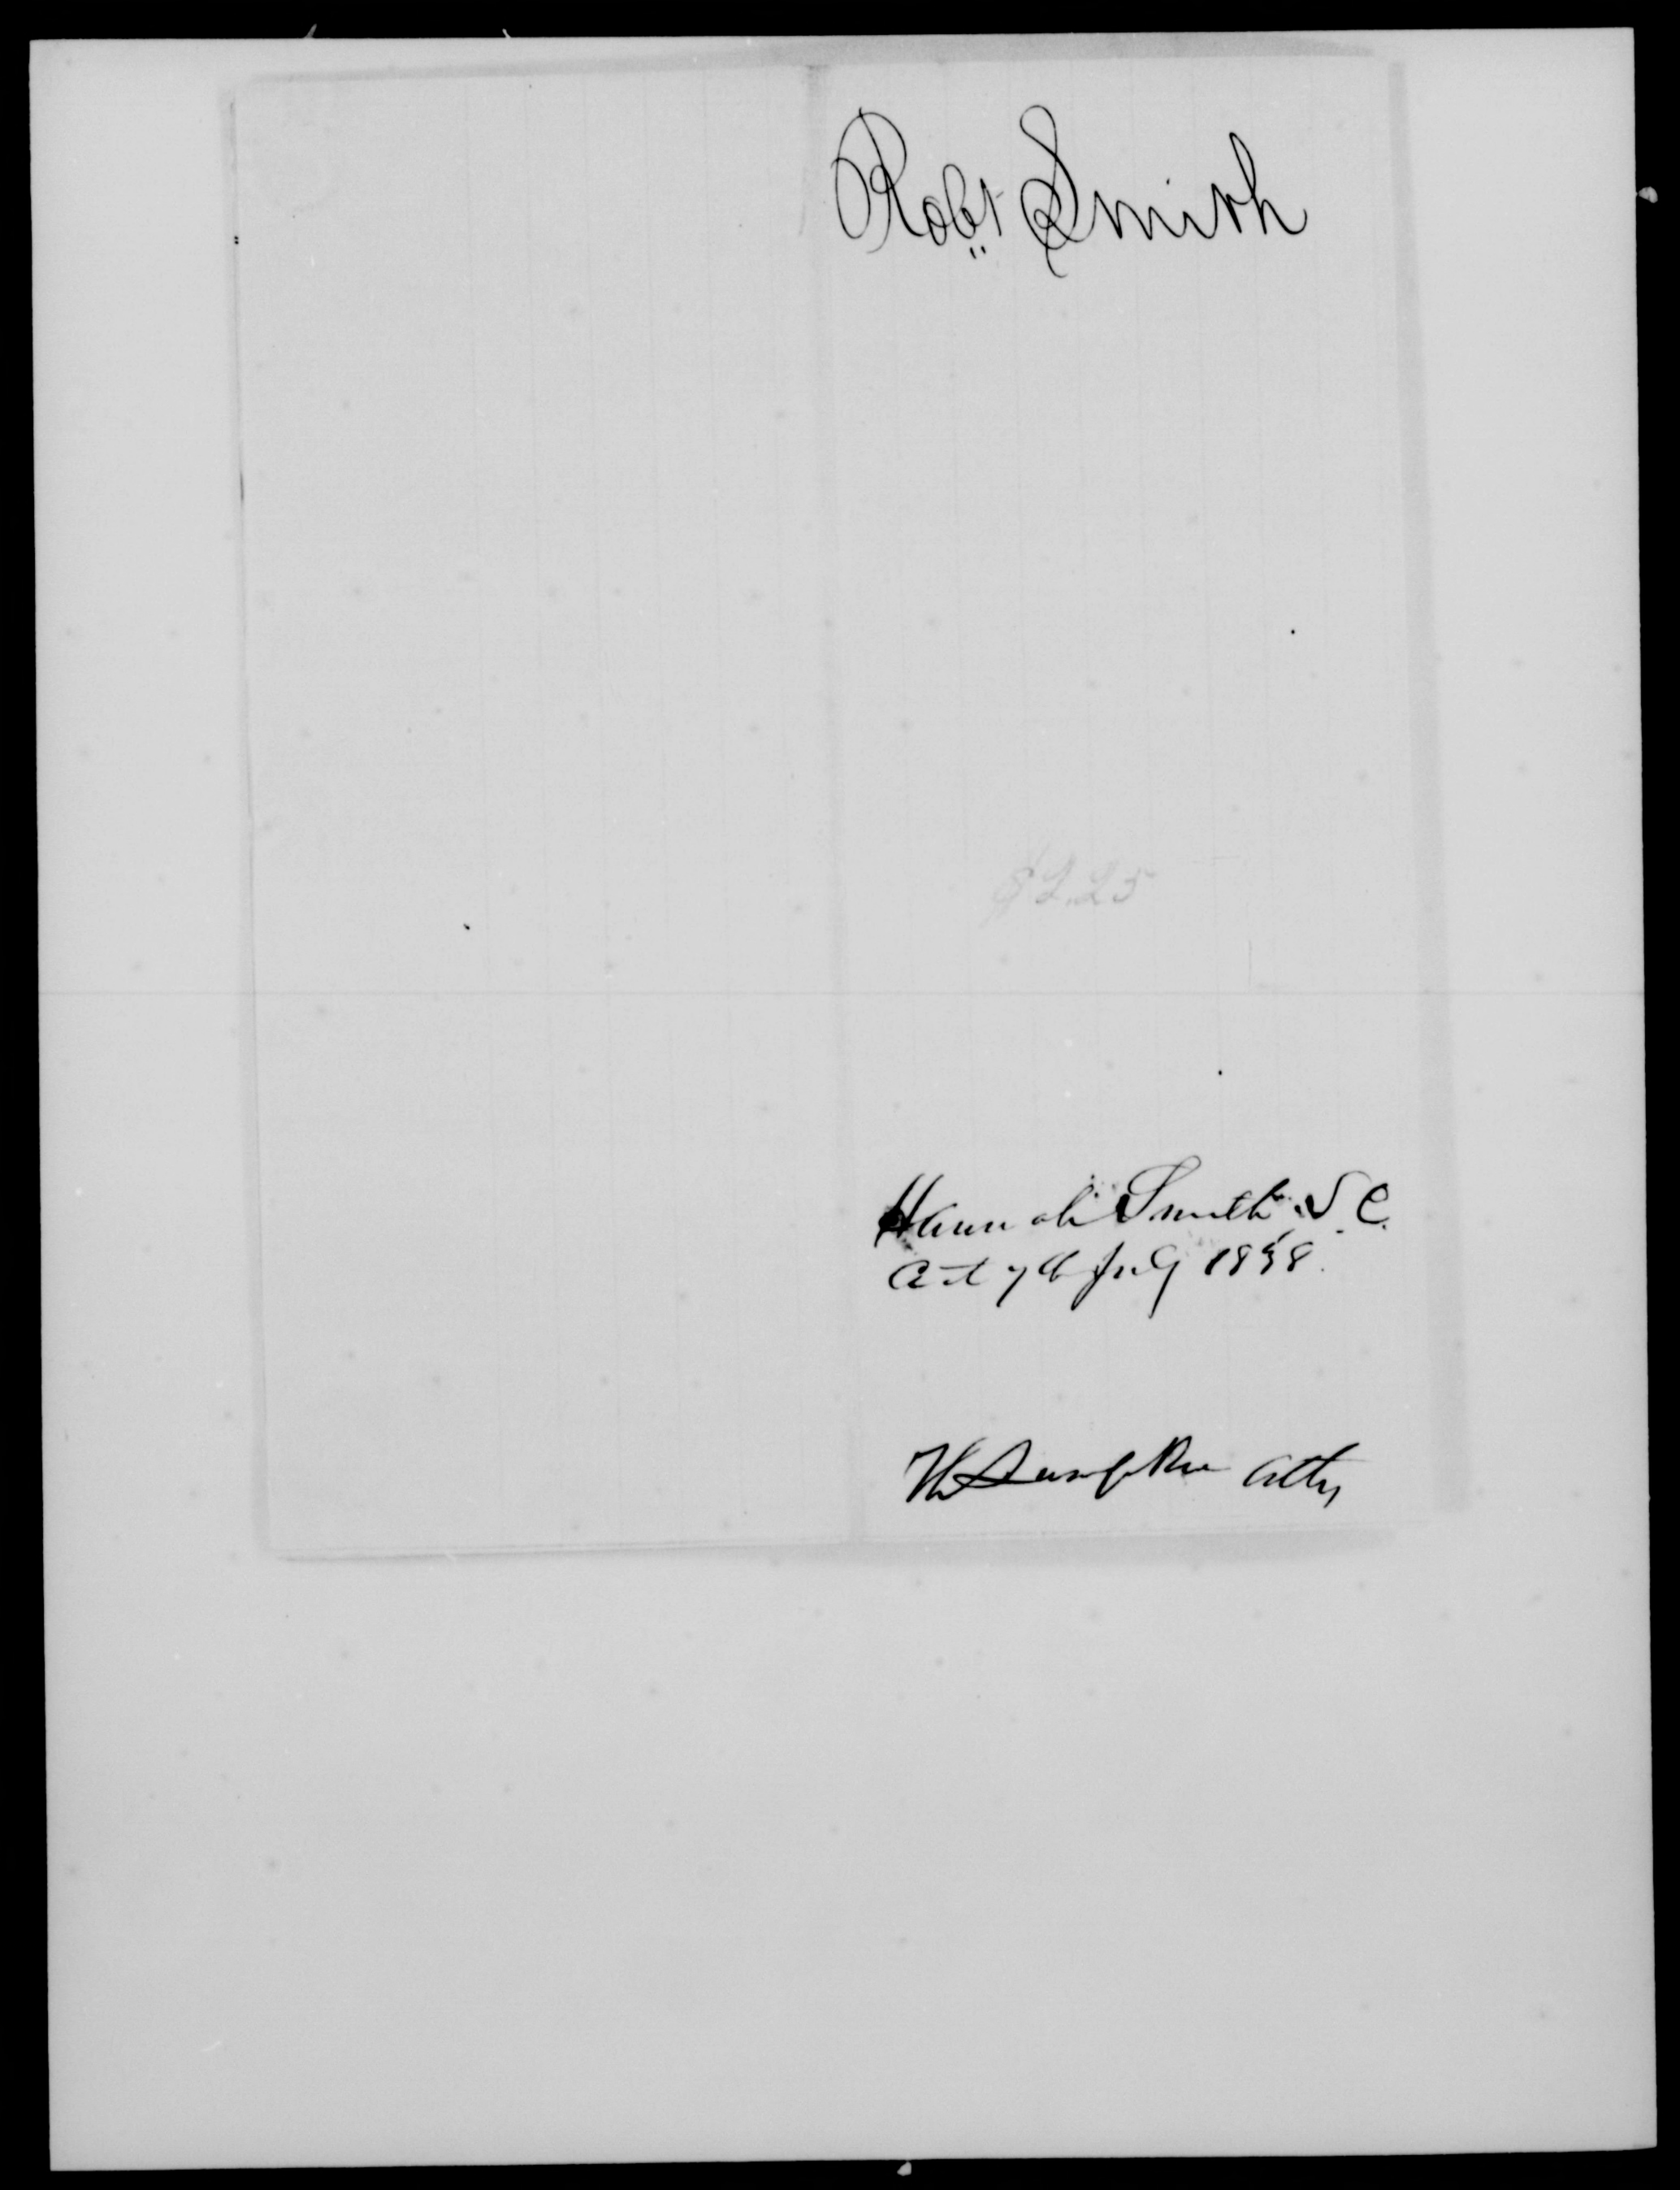Robt Smith

Hannah Smith, SC
Act of 7 July 1838

Th Lumpkin, Atty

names: Robt Smith; Hannah Smith; Th Lumpkin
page: 14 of 28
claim: rejected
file: R. 9744, for Robert Smith, South Carolina